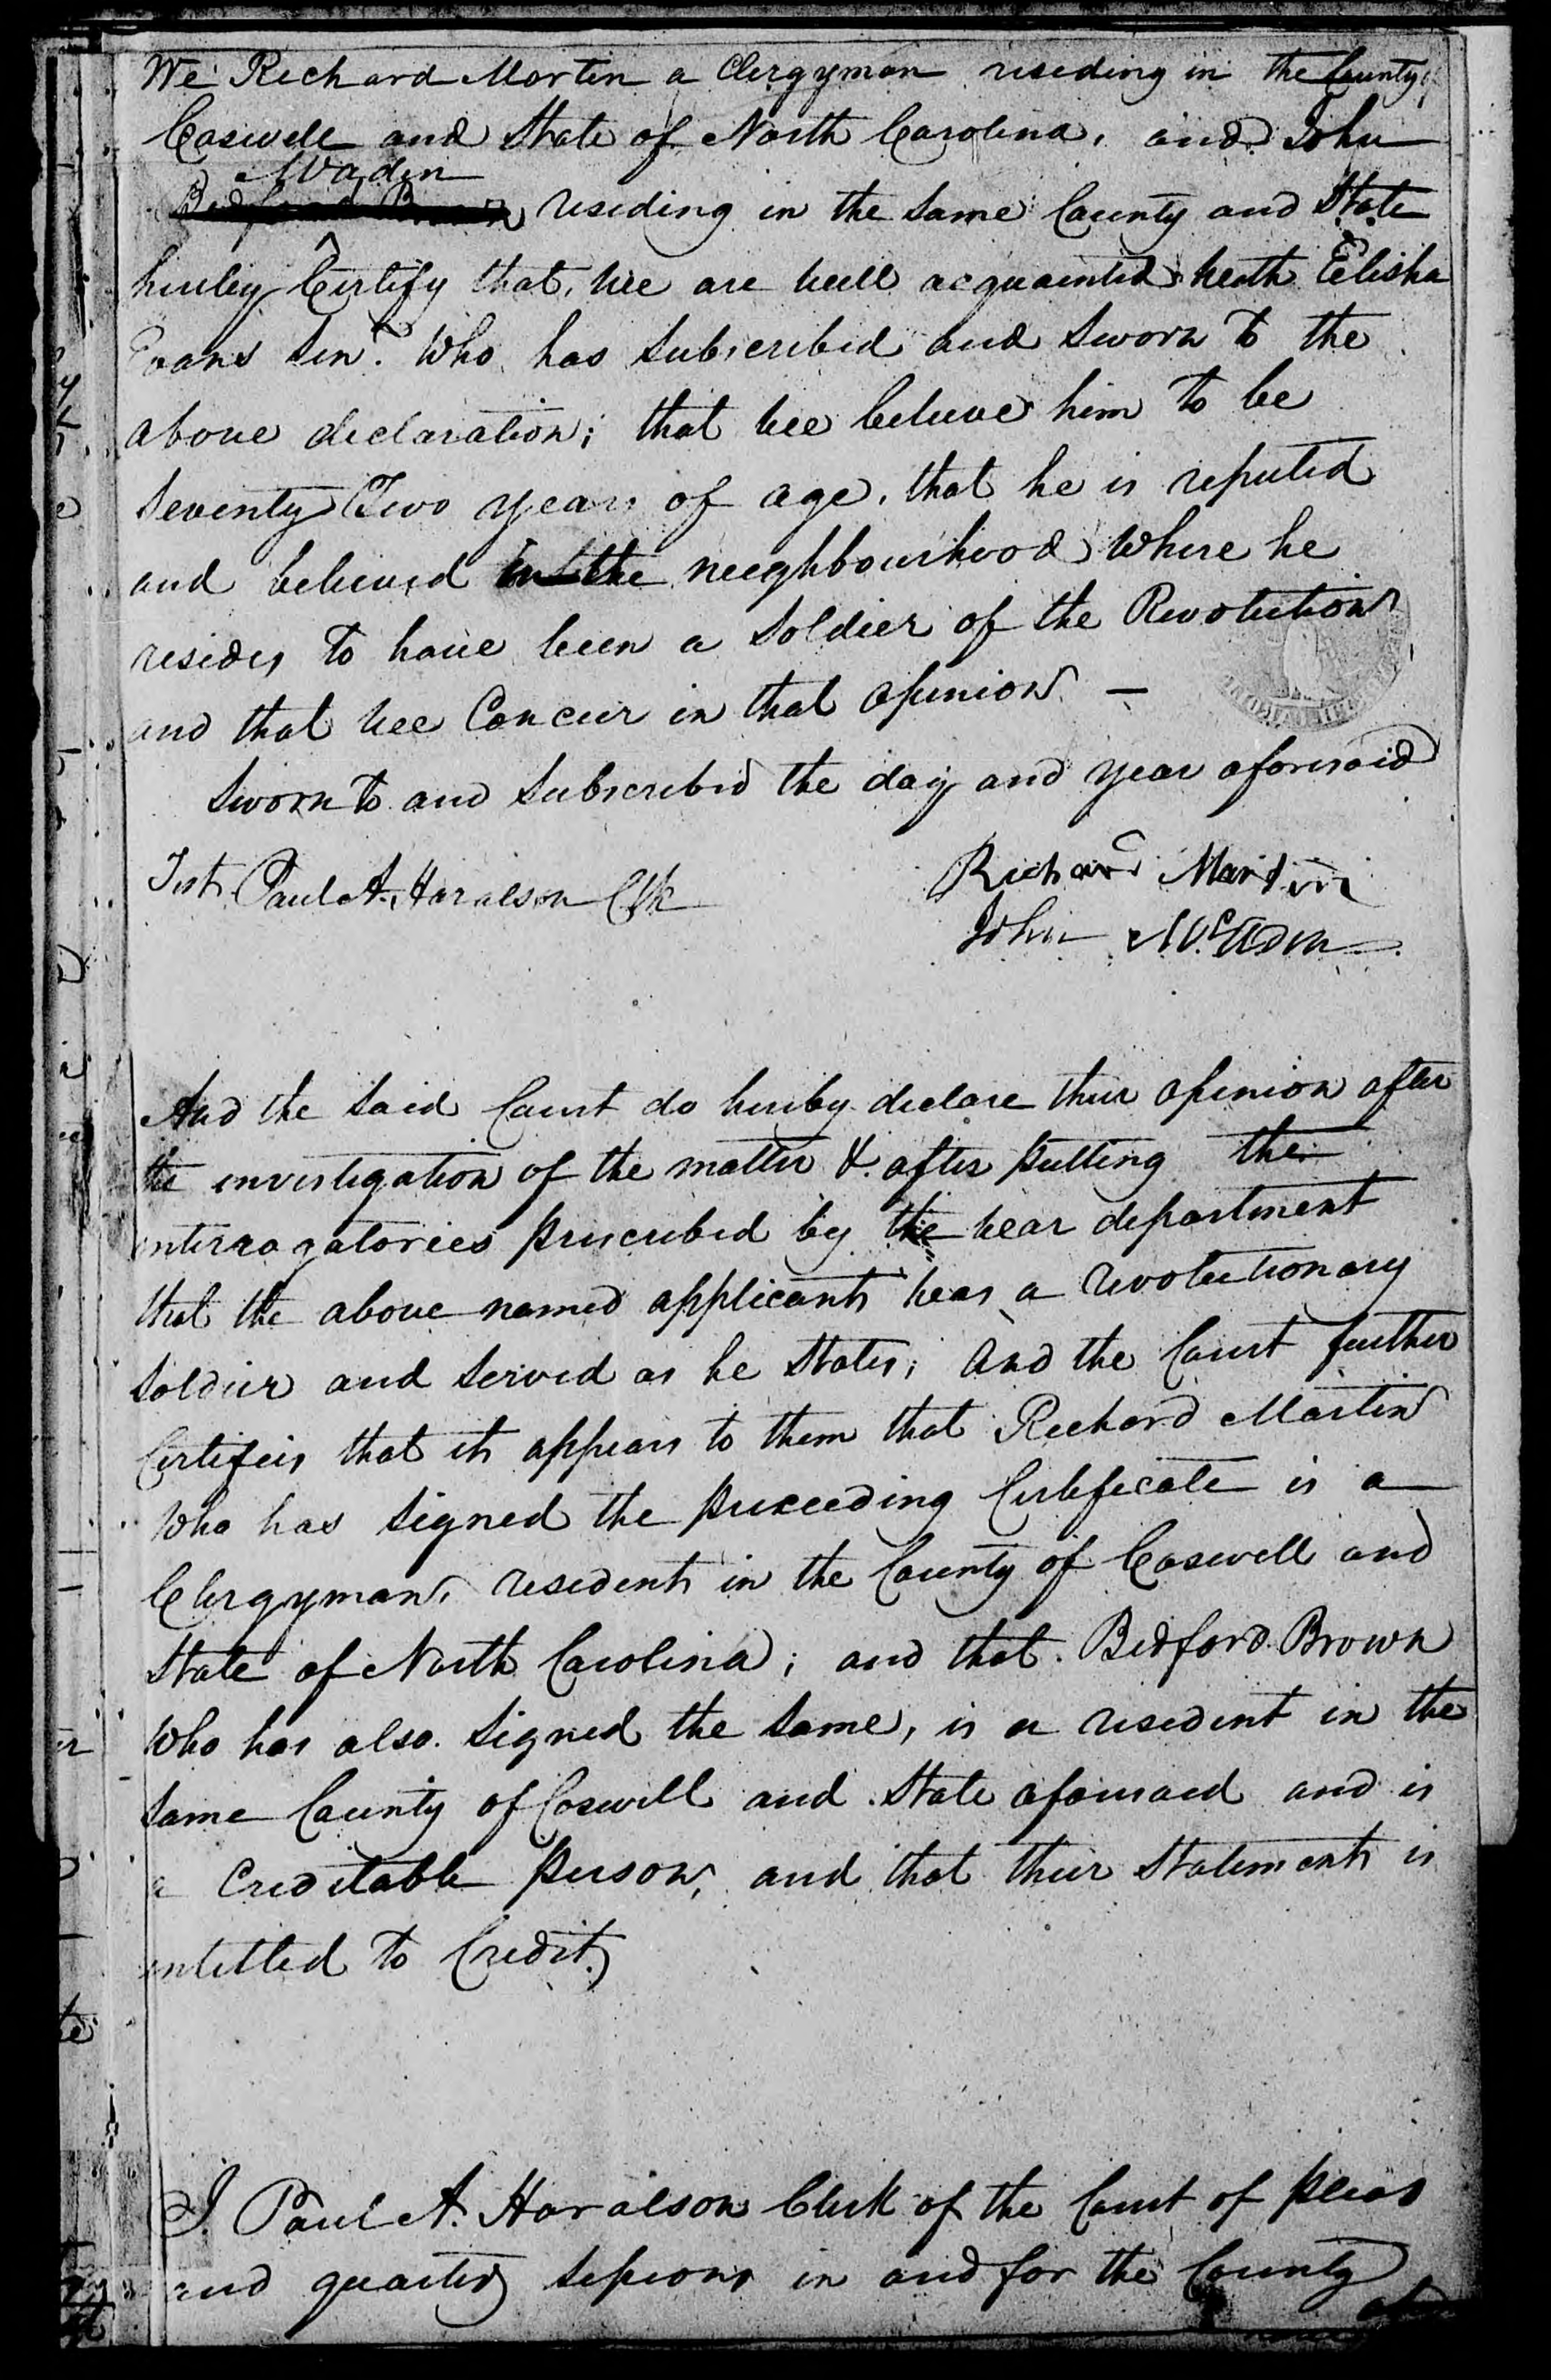We Richard Martin a Clergyman residing in the County of Caswell and State of North Carolina, and John McAdam residing in the same County and State hereby certify that we are well acquainted heath Elisha Evans Senr who has subscribed and sworn to the above declaration; that be believe him to be
Seventy Two years of age, that he is reputed
and believed in the neighbourhood where he
resides to have been a soldier of the Revolution and that we concur in that opinion
Sworn to and subscribed the day and year aforesaid

Test Paul A. Haralson Clk
Richard Martin
John McAdam

And the said Court do hereby declare their opinion after the investigation of the matter & after putting Interrogatories prescribed by the war department that the above named applicant was a revolutionary Soldier
and served as he states; and the Court further
certifies that it appears to them that Richard Martin who has signed the preceeding certificate is a Clergyman, resident in the County of Caswell and State of North Carolina, and that Bedford Brown who has also signed the same, is a resident in the same County of Caswell and State aforesaid and is creditable person, and that their statement is entitled to Credit

I Paul A. Haralson Clerk of the Court of pleas and quarter sessions in and for the County at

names: Richard Martin, John Mc Aden, Paul A Haralson, Richard Martin, John Mc Aden, Bedford Brown, Elisha Evans, Paul A Haralson, Richard Martin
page: 10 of 29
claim: survivor's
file: S. 6830, Elisha Evans, N.C.